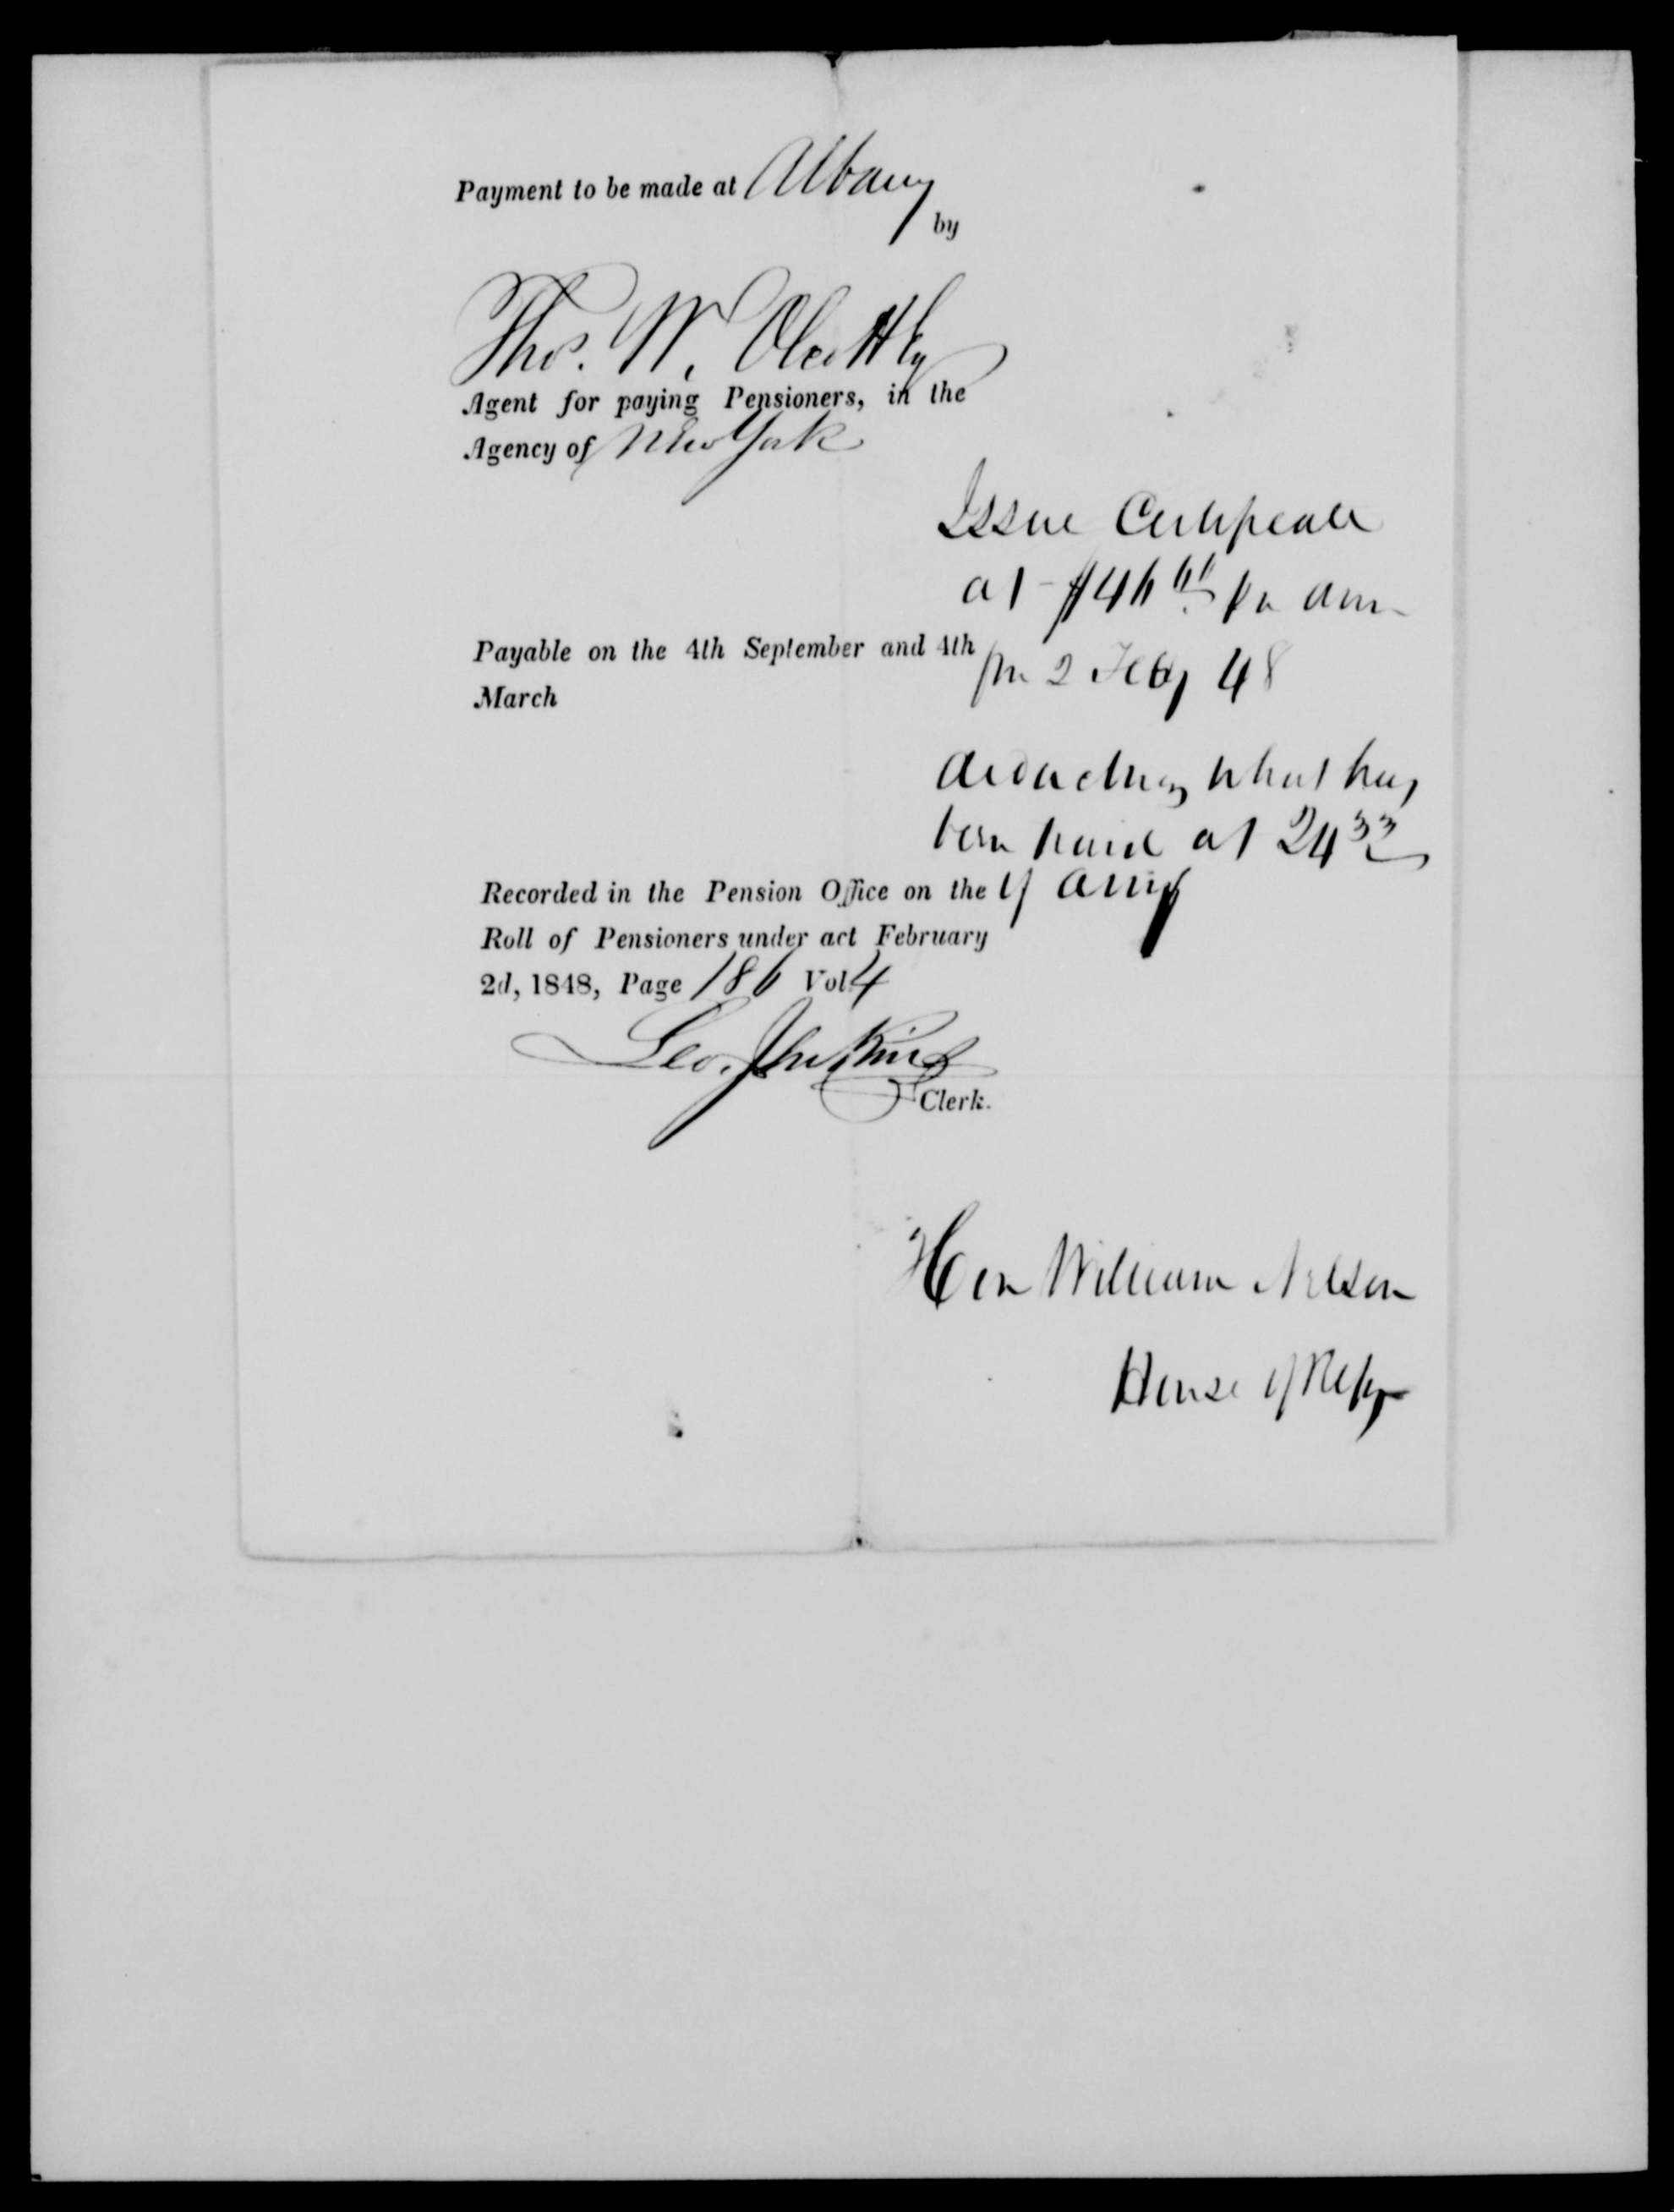Payment to be made at Albany by 
Thos W. Olcott Esq 
Agent for paying Pensioners, in the Agency of New York 
Issue Certificate at  $46.66 per annum 
Payable on the 4th September and 4th March 
Pr 2 Feby 48 deducting what has been paid at 24.33 if any 
Recorded in the Pension Office on the of an Roll of Pensioners under act February 20,1848, Page 186 Vol 4
Leo Jenkins
Hon William Nelson House of Reps.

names: Thos W Olcott; William Nelson; Leo Jenkins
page: 59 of 87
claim: widow's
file: W. 22,226, for Nathan Slawson, Connecticut